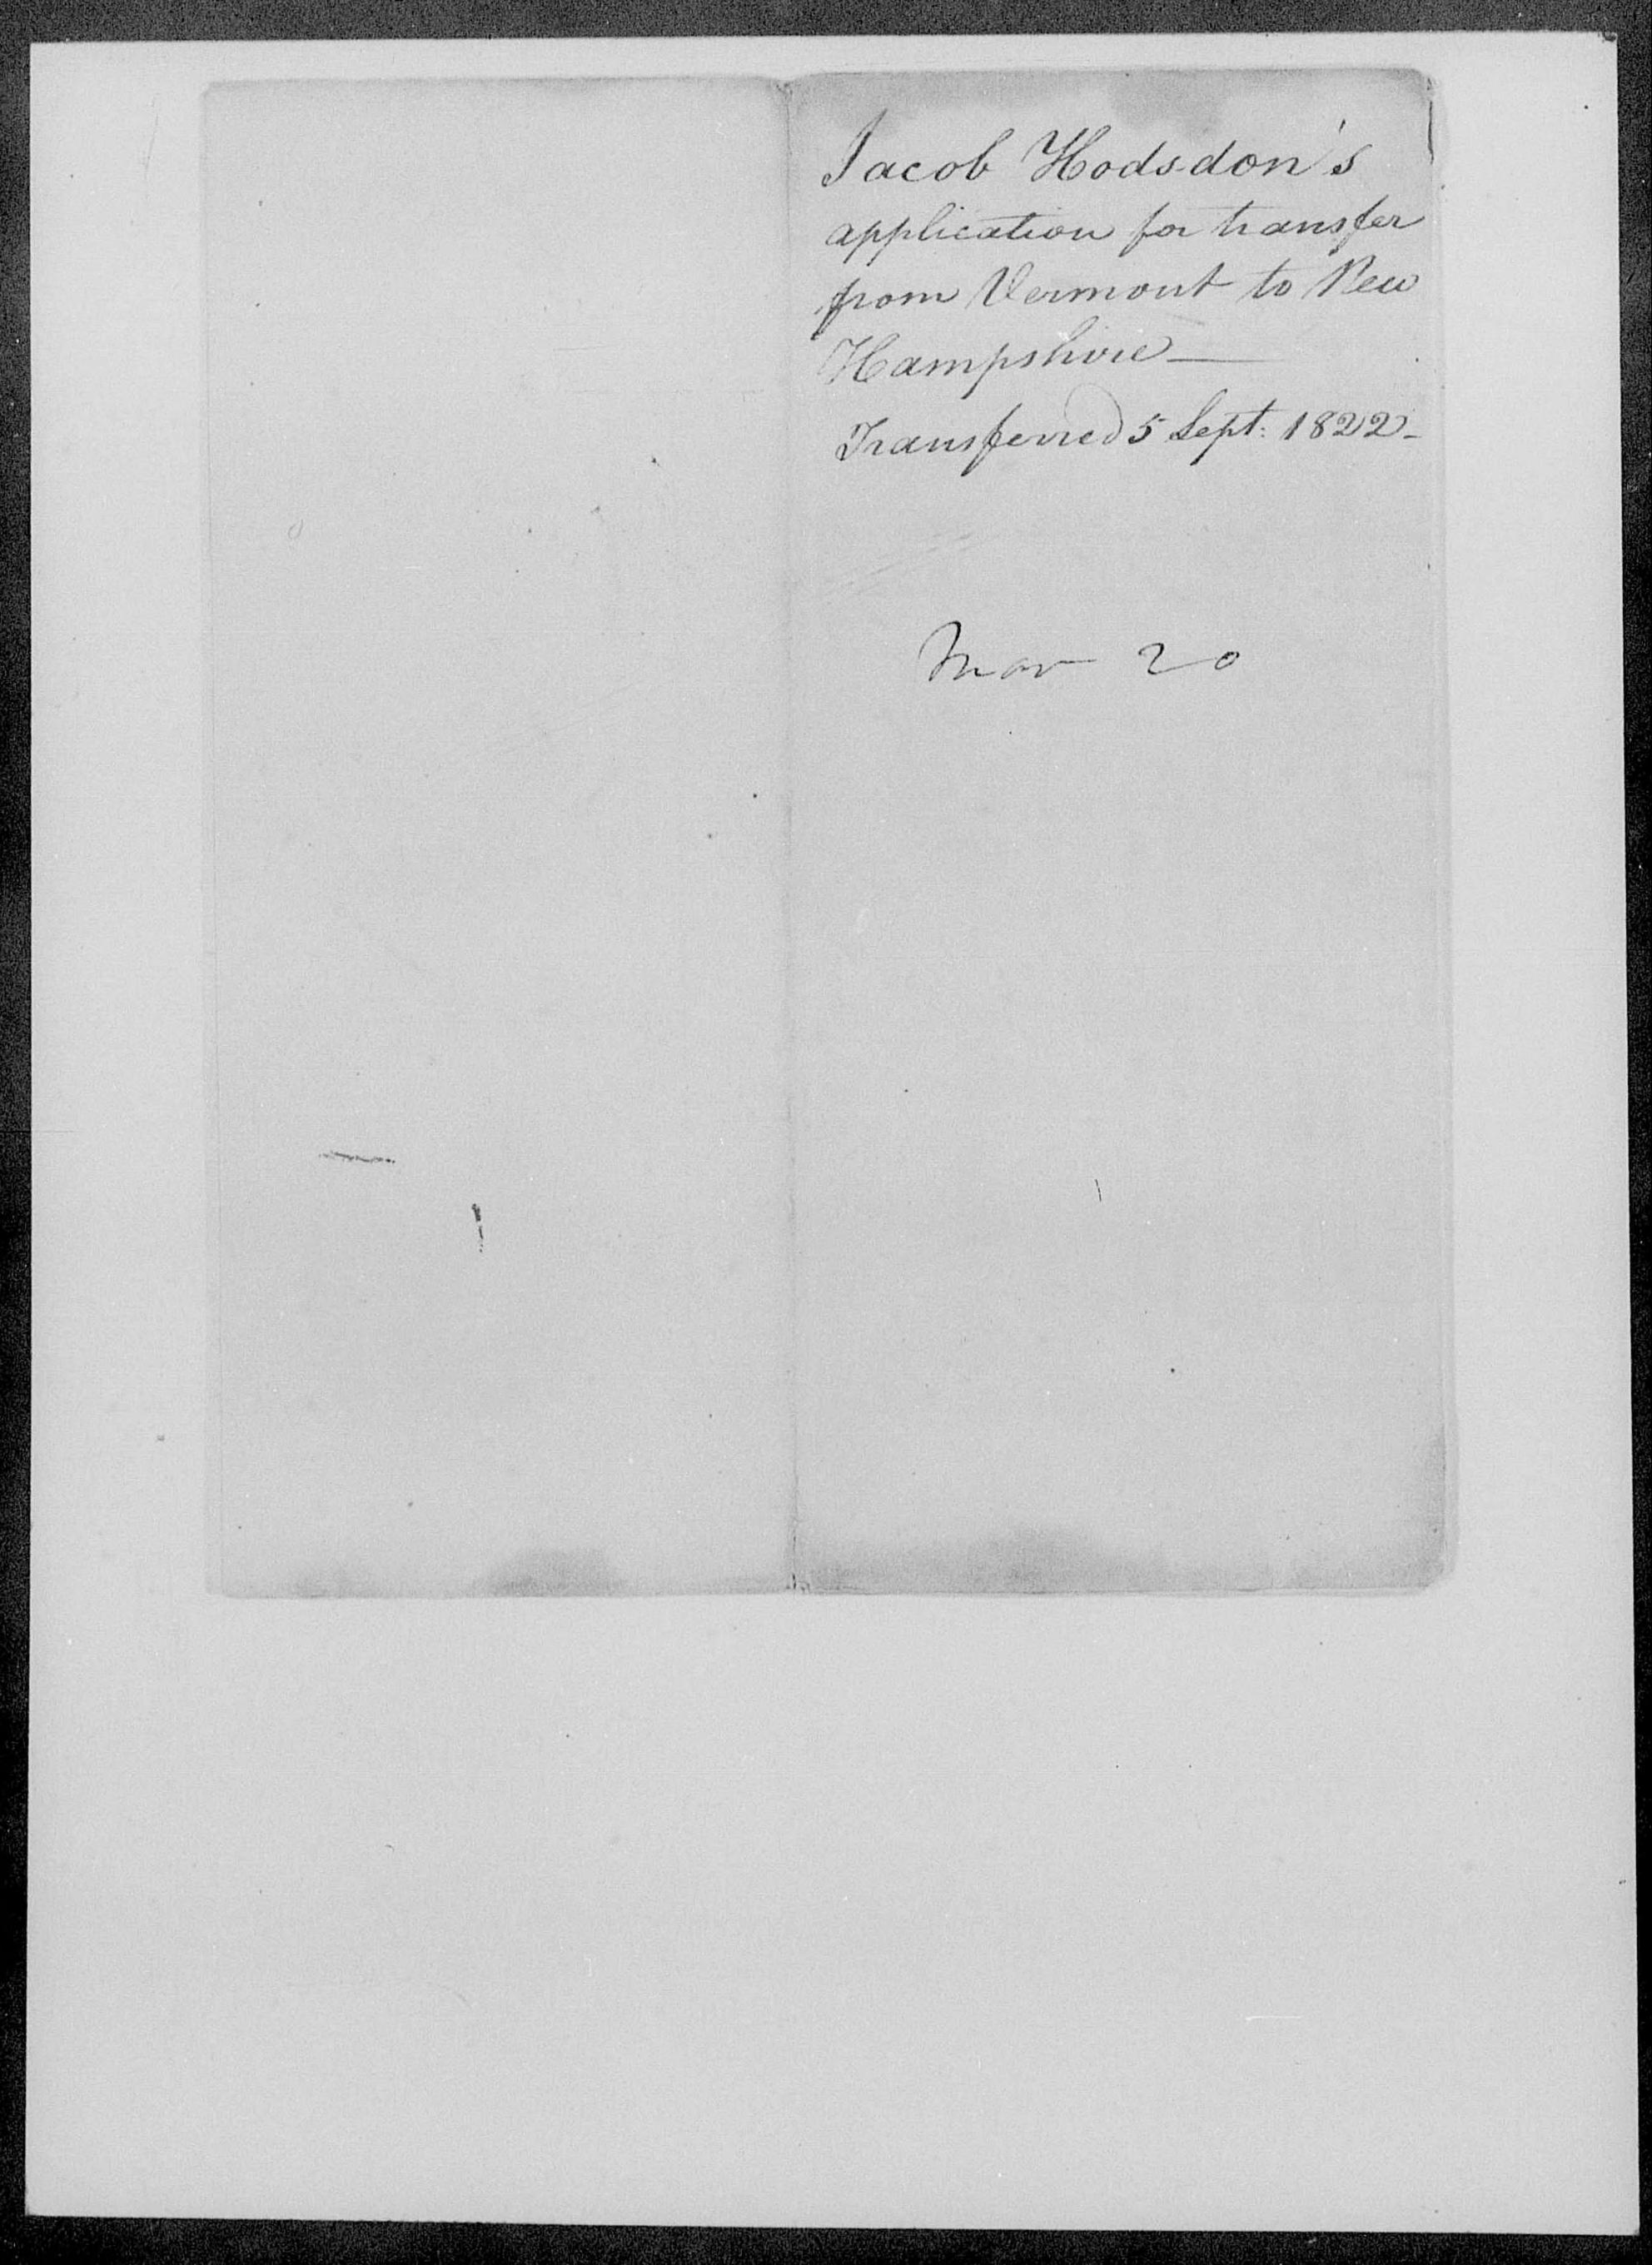Jacob Hodson's application for transfer from Vermont to New Hampshire
Transferred 5 Sept 1822

Nov 20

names: Jacob Hodsdon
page: 21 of 22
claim: survivor's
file: S 44445, Jacob Hodsdon, Mass.